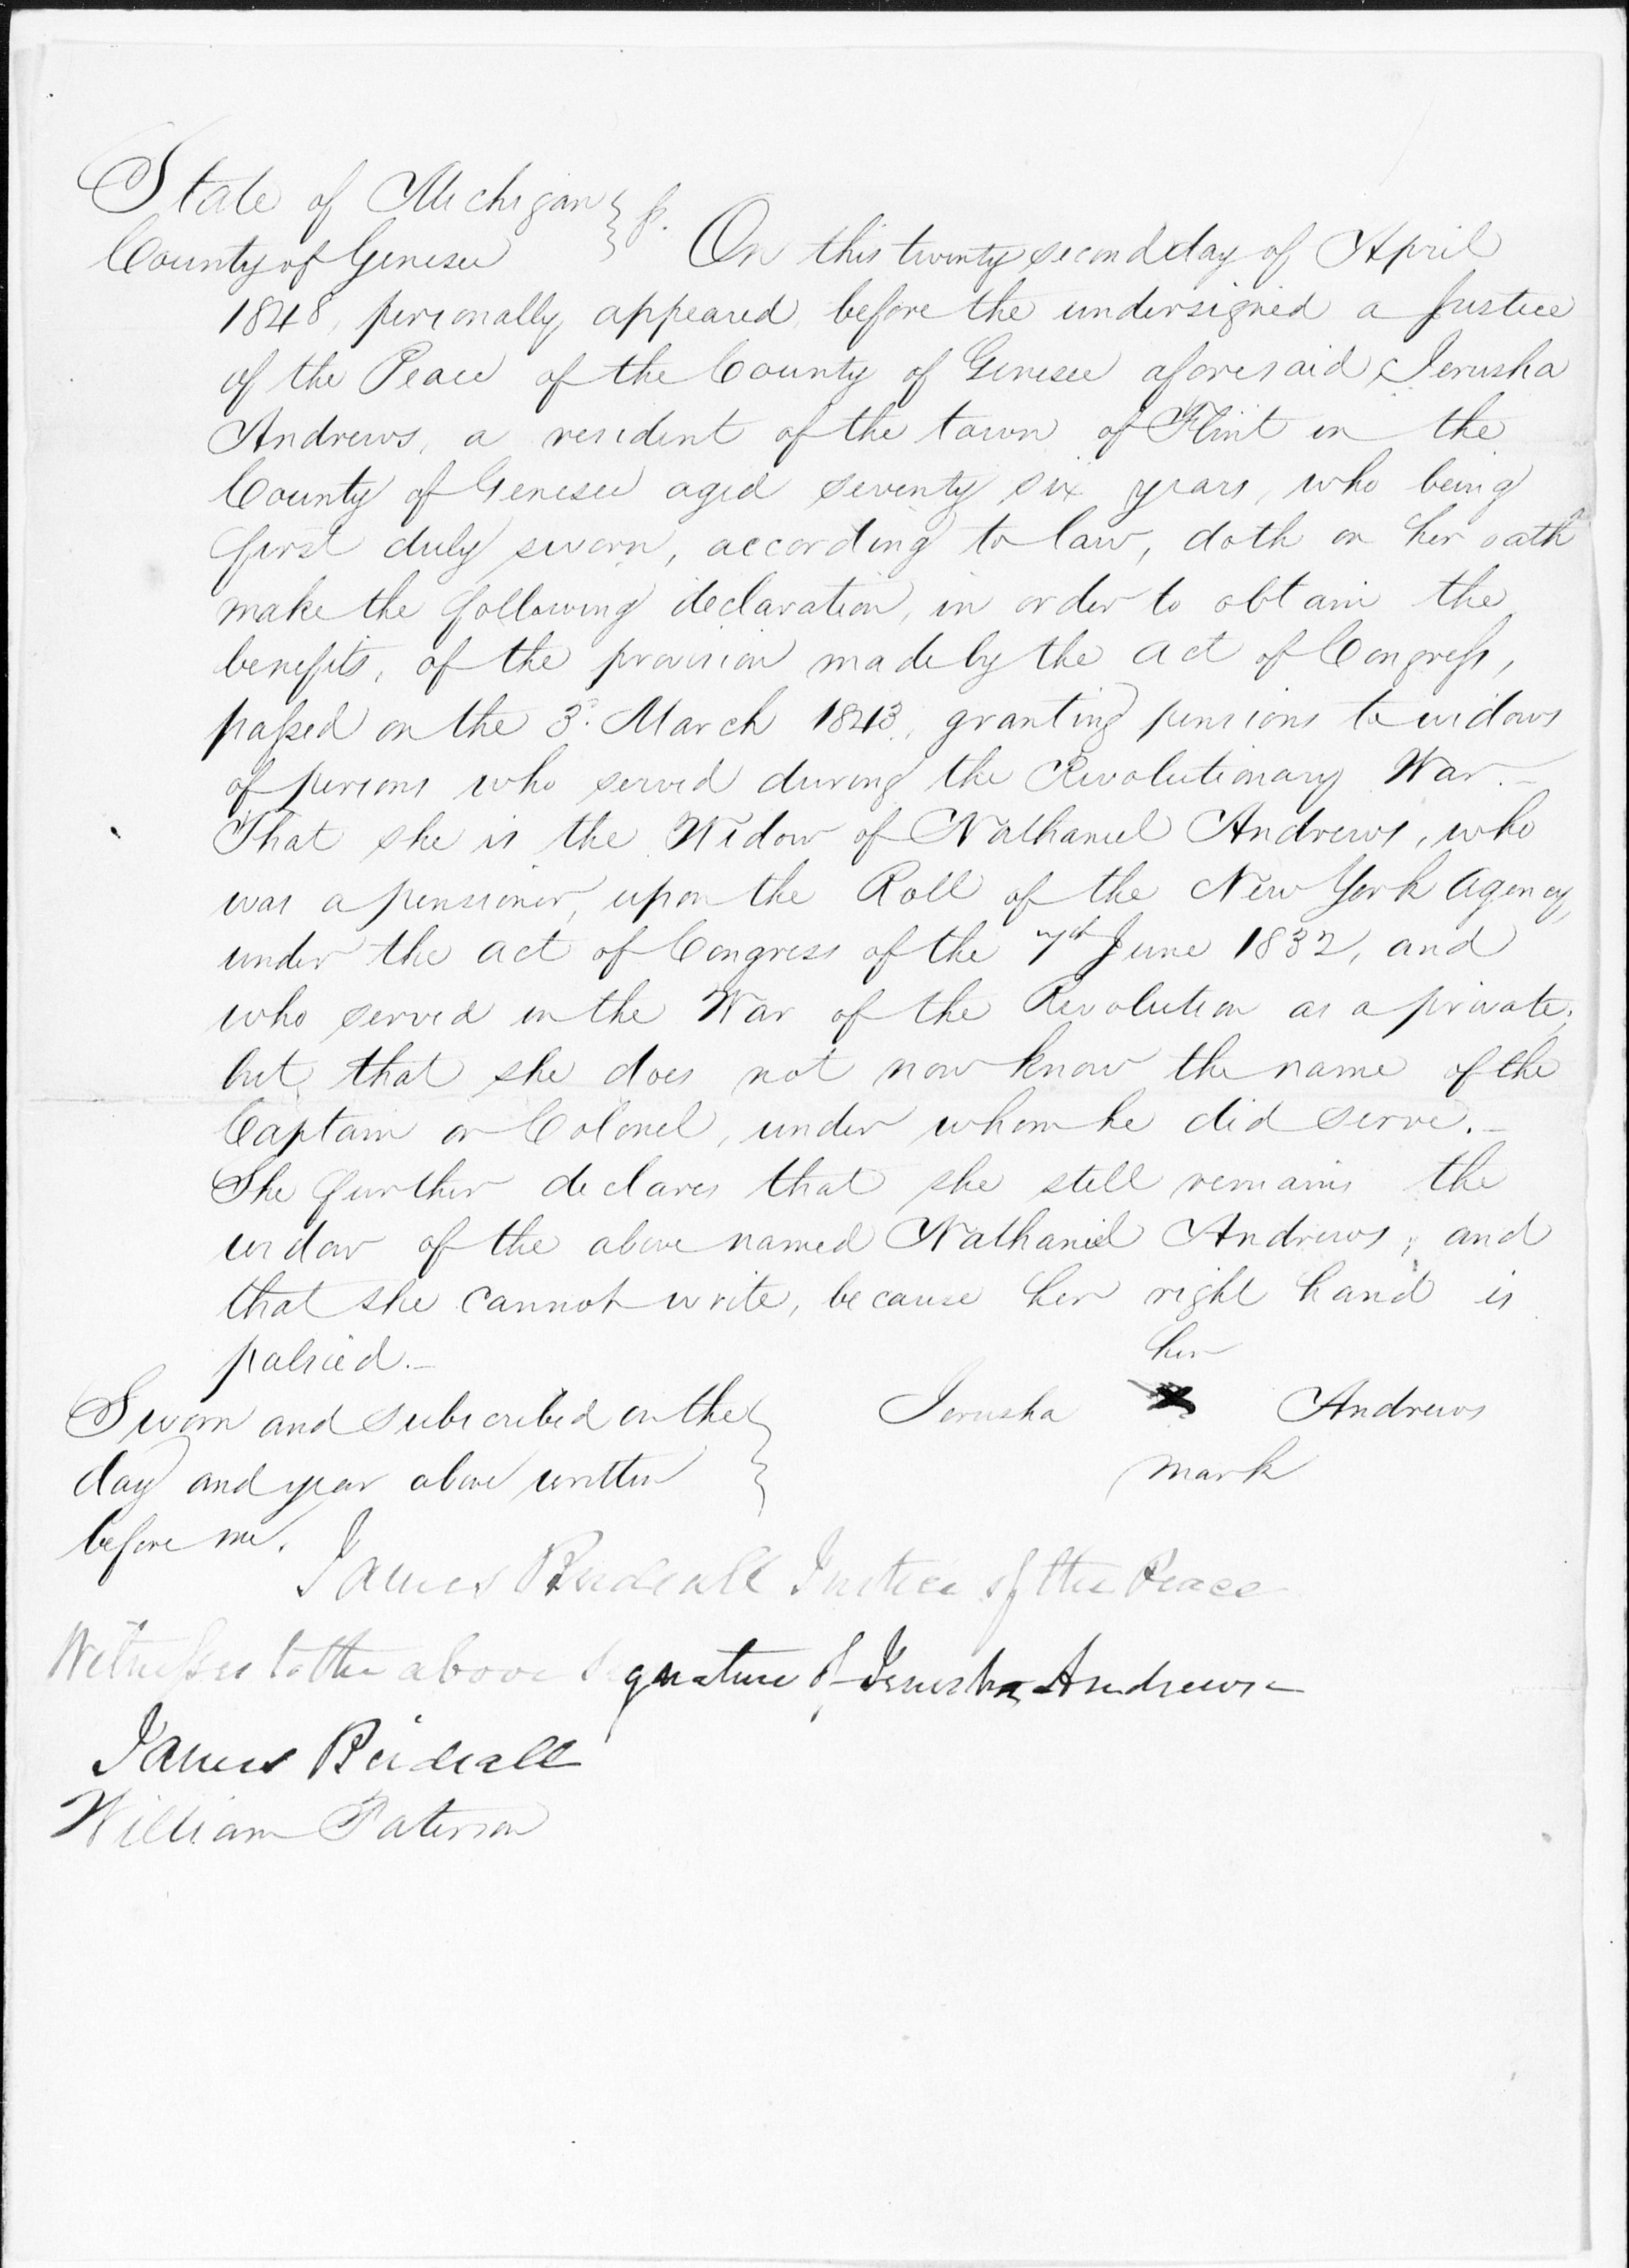State of Michigan
County of Genesee
On this twenty second day of April
1848, personally appeared before the undersigned a Justice
of the Peace of the County of Genesee aforesaid Jerusha
Andrews, a resident of the town of Flint in the
County of Genesee aged seventy six years who being
first duly sworn, according to law, doth on her oath
make the following declaration, in order to obtain the
benefits of the provision made by the act of Congress,
passed on the 3d March 1843 granting pensions to widows
of persons who served during the Revolutionary War.
That she is the Widow of Nathaniel Andrews, who
was a pensioner upon the Roll of the New York Agency
under the act of Congress of the 7th June 1832, and
who served in the War of the Revolution as a private
but that she does not now know the name of the
Captain or Colonel, under whom he did serve-
She further declares that she still remains the
widow of the above named Nathaniel Andrews and
that she cannot write, because her right hand is
palsied.
her
Jerusha X Andrews
mark
Sworn and subscribed on the
day and year above written
before me
James Ruddall Justice of the Peace
Witnesses to the above Signature of Jerusha Andrews
James Reidcall
William Paterson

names: James Birdsall, Jerusha Andrews, Jerusha Andrews, William Paterson, Nathaniel Andrews, James Birdsall, Jerusha Andrews, Nathaniel Andrews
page: 7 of 78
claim: widow's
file: W. 4117, Nathaniel Bradley, Conn.